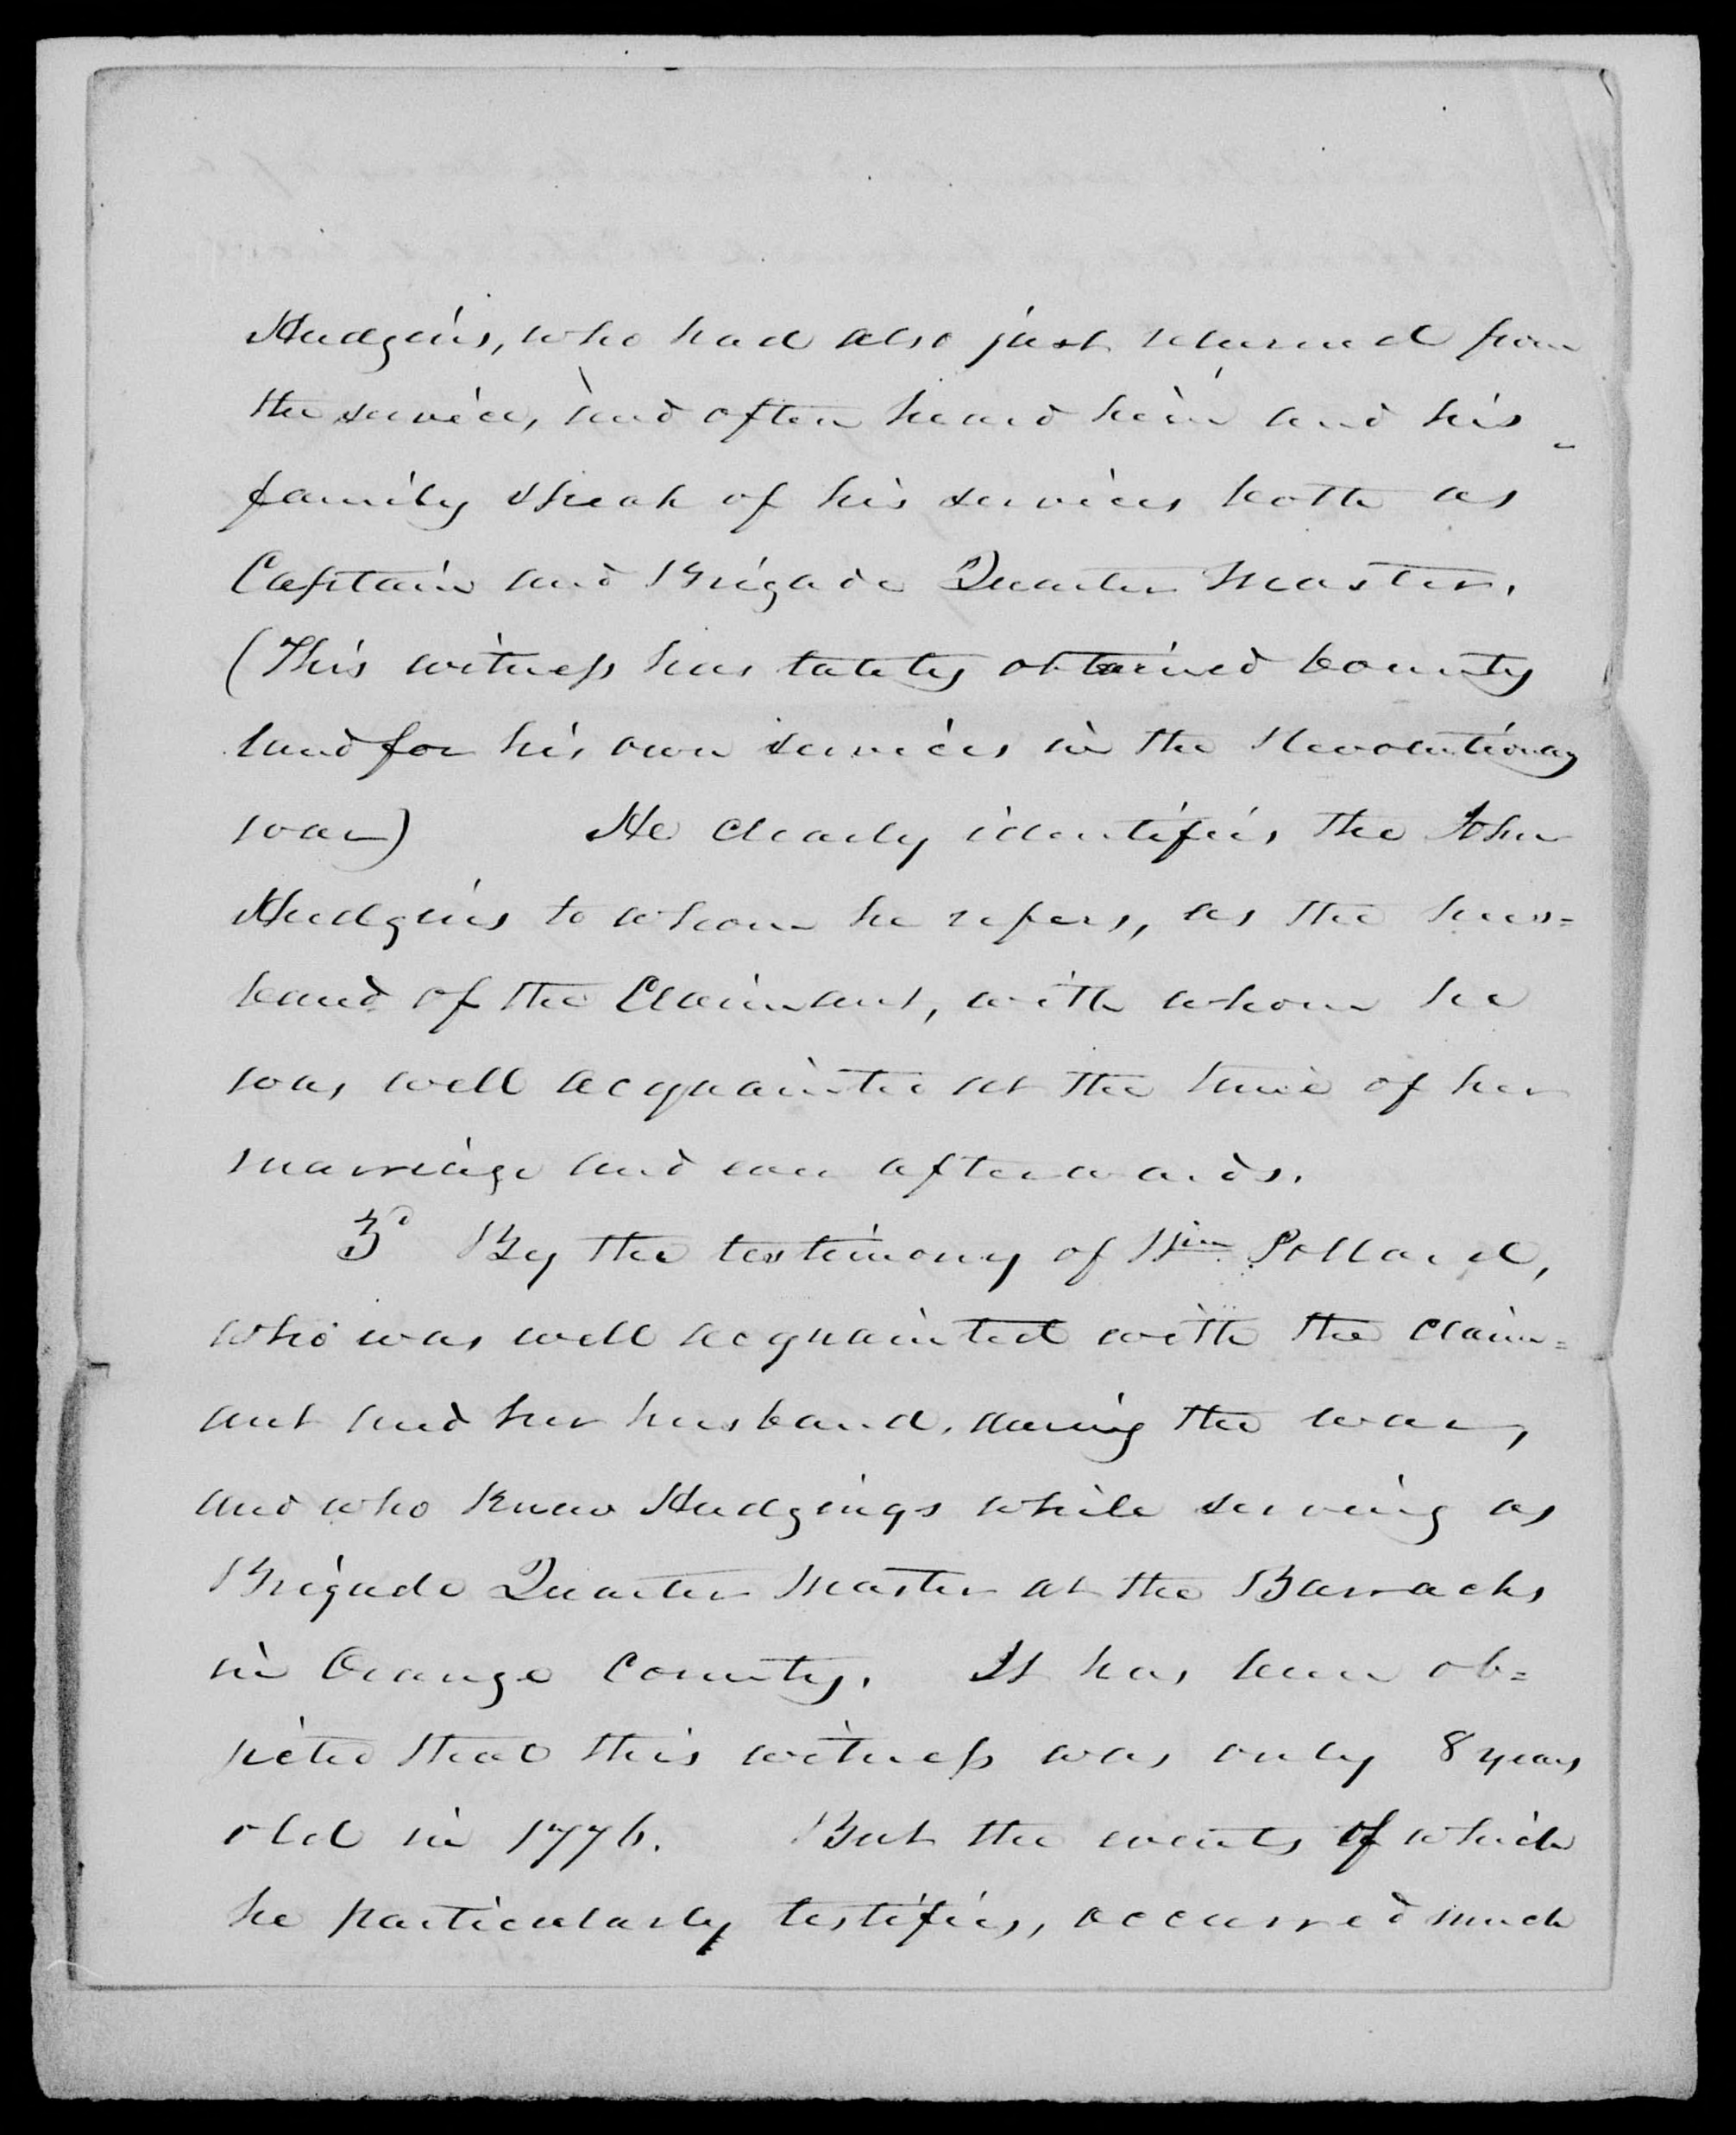Huggins, who had also just returned from the service and often heard him and his family speak of his service both as Captain and Brigade Quarter Master. (This witness has lately obtained bounty land for his own service in the Revolutionary War). He clearly identified the John Huggins to whom he refers, as the husband of the claimant , with whom he was well acquainted with the claimant and her husband during the war, and who knew Hudgings while serving as Brigade Quarter Master at the Barnach, in Orange County. It has been objective that this witness was only 8 years old in 1776, but the events of which he particularly testifies, occurred mu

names: John Hudgins, Wm Pollard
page: 94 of 108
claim: rejected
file: R. 7,515, John Hudgins, N.C.